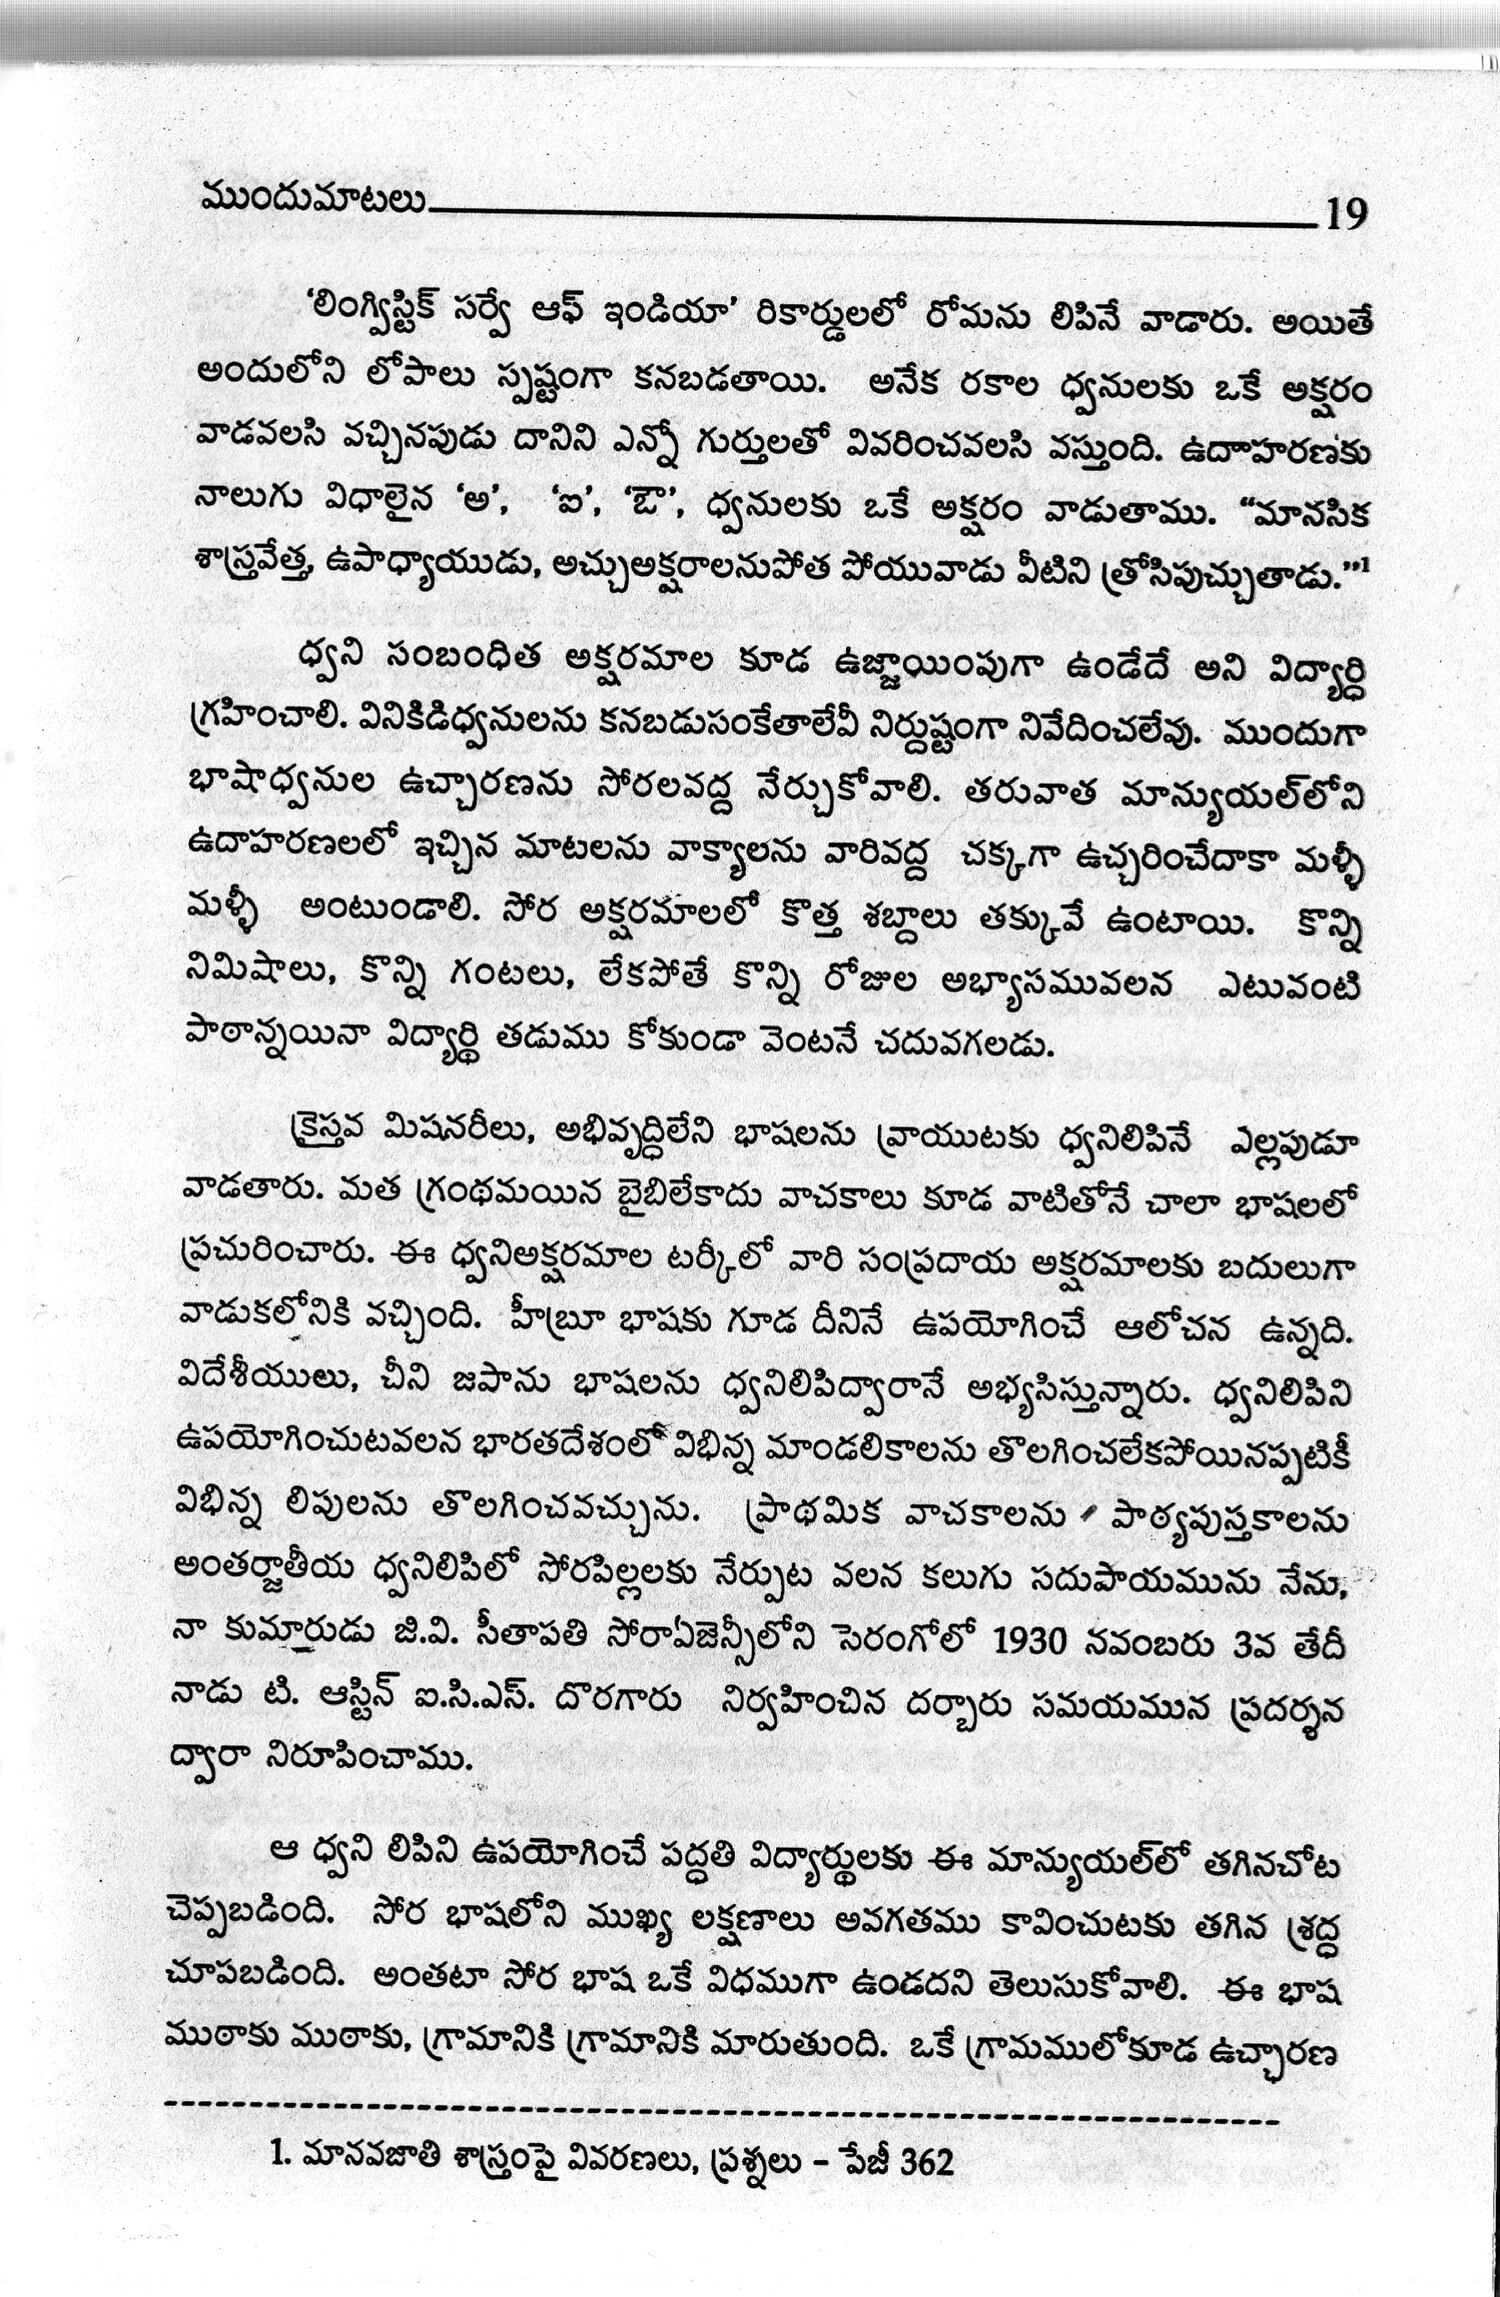'లింగ్విస్టిక్ సర్వే ఆఫ్ ఇండియా' రికార్డులలో రోమను లిపినే వాడారు. అయితే అందులోని లోపాలు స్పష్టంగా కనబడతాయి. అనేక రకాల ధ్వనులకు ఒకే అక్షరం వాడవలసి వచ్చినపుడు దానిని ఎన్నో గుర్తులతో వివరించవలసి వస్తుంది. ఉదాహరణకు నాలుగు విధాలైన 'అ', 'ఐ', 'ఔ', ధ్వనులకు ఒకే అక్షరం వాడుతాము. "మానసిక శాస్త్రవేత్త, ఉపాధ్యాయుడు, అచ్చు అక్షరాలనుపోత పోయువాడు వీటిని త్రోసిపుచ్చుతాడు."

ధ్వని సంబంధిత అక్షరమాల కూడ ఉజ్జాయింపుగా ఉండేదే అని విద్యార్థి గ్రహించాలి. వినికిడిధ్వనులను కనబడుసంకేతాలేవీ నిర్దుష్టంగా నివేదించలేవు. ముందుగా భాషాధ్వనుల ఉచ్చారణను సోరలవద్ద నేర్చుకోవాలి. తరువాత మాన్యుయల్ లోని ఉదాహరణలలో ఇచ్చిన మాటలను వాక్యాలను వారివద్ద చక్కగా ఉచ్చరించేదాకా మళ్ళీ మళ్ళీ అంటుండాలి. సోర అక్షరమాలలో కొత్త శబ్దాలు తక్కువే ఉంటాయి. కొన్ని నిమిషాలు, కొన్ని గంటలు, లేకపోతే కొన్ని రోజుల అభ్యాసమువలన ఎటువంటి పాఠాన్నయినా విద్యార్థి తడుము కోకుండా వెంటనే చదువగలడు.

క్రైస్తవ మిషనరీలు, అభివృద్ధిలేని భాషలను వ్రాయుటకు ధ్వనిలిపినే ఎల్లపుడూ వాడతారు. మత గ్రంథమయిన బైబిలేకాదు వాచకాలు కూడ వాటితోనే చాలా భాషలలో ప్రచురించారు. ఈ ధ్వనిఅక్షరమాల టర్కీలో వారి సంప్రదాయ అక్షరమాలకు బదులుగా వాడుకలోనికి వచ్చింది. హీబ్రూ భాషకు గూడ దీనినే ఉపయోగించే ఆలోచన ఉన్నది. విదేశీయులు, చీని జపాను భాషలను ధ్వనిలిపి ద్వారానే అభ్యసిస్తున్నారు. ధ్వనిలిపిని ఉపయోగించుటవలన భారతదేశంలో విభిన్న మాండలికాలను తొలగించలేకపోయినప్పటికీ విభిన్న లిపులను తొలగించవచ్చును. ప్రాథమిక వాచకాలను పాఠ్యపుస్తకాలను అంతర్జాతీయ ధ్వనిలిపిలో సోరపిల్లలకు నేర్పుట వలన కలుగు సదుపాయమును నేను, నా కుమారుడు జి.వి. సీతాపతి సోరాఏజెన్సీలోని సెరంగోలో 1930 నవంబరు 3వ తేదీ నాడు టి. ఆస్టిన్ ఐ.సి.ఎస్. దొరగారు నిర్వహించిన దర్బారు సమయమున ప్రదర్శన ద్వారా నిరూపించాము.

ఆ ధ్వని లిపిని ఉపయోగించే పద్ధతి విద్యార్థులకు ఈ మాన్యుయల్ లో తగినచోట చెప్పబడింది. సోర భాషలోని ముఖ్య లక్షణాలు అవగతము కావించుటకు తగిన శ్రద్ధ చూపబడింది. అంతటా సోర భాష ఒకే విధముగా ఉండదని తెలుసుకోవాలి. ఈ భాష ముఠాకు ముఠాకు, గ్రామానికి గ్రామానికి మారుతుంది. ఒకే గ్రామములోకూడ ఉచ్చారణ